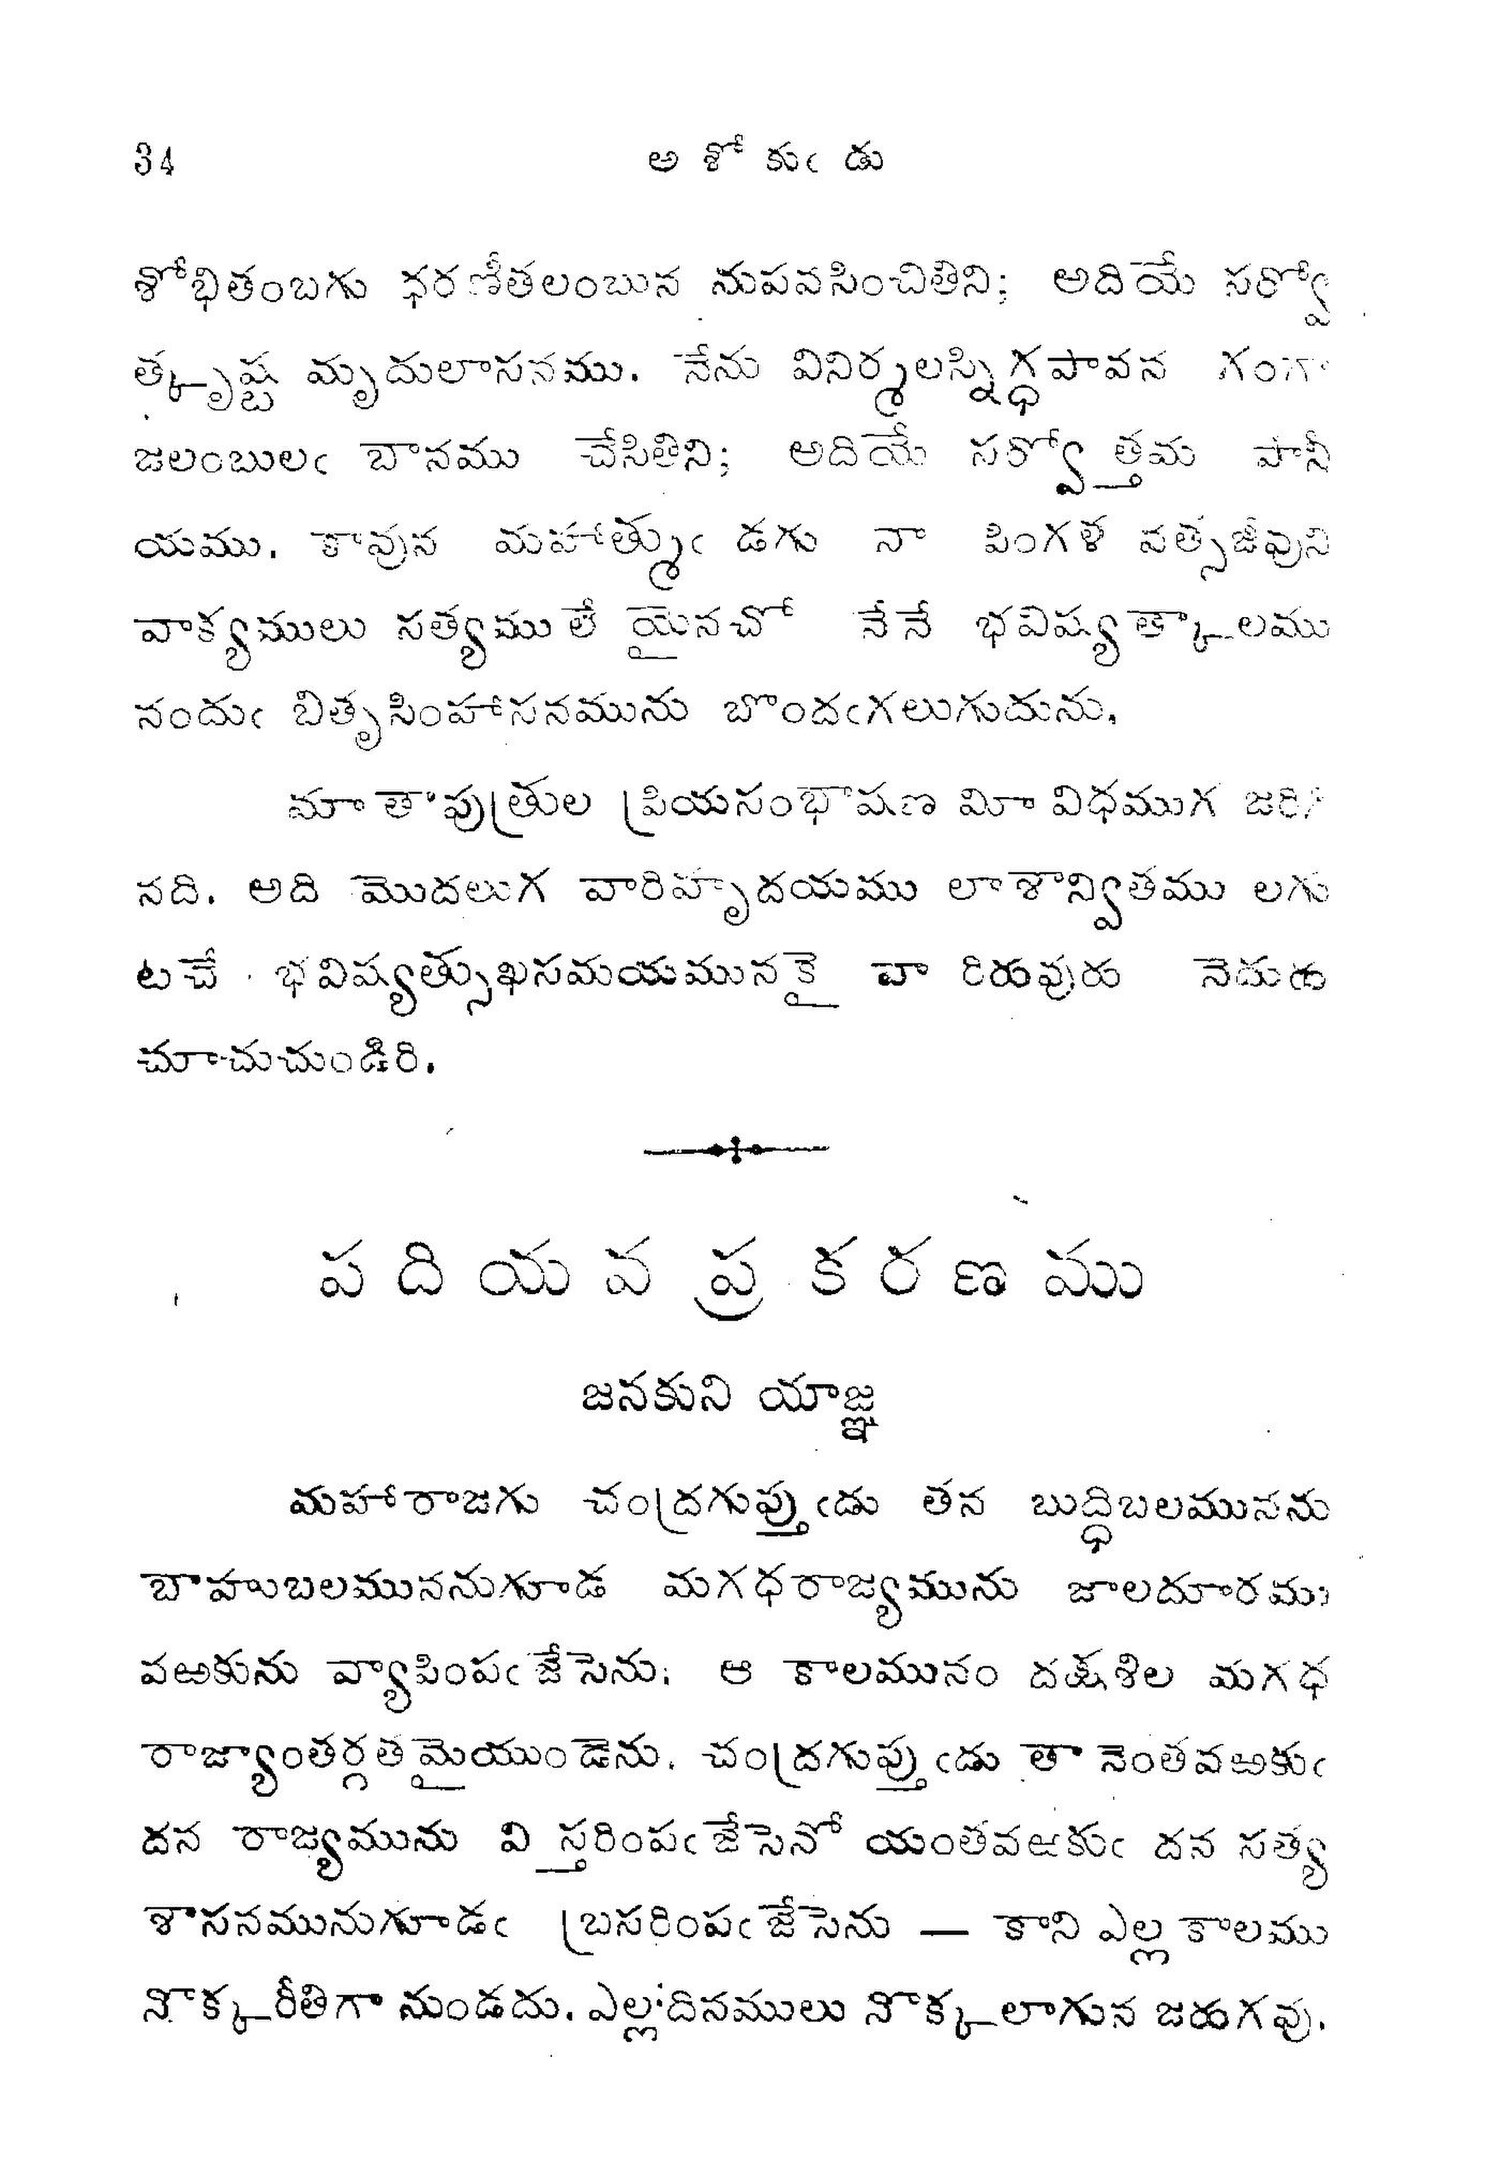శోభితంబగు ధరణితలంబున నుపన సించితిని; అదియే సర్వోత్కృష్ట మృదులాసనము. నేను వినిర్మలస్నిగ్ధ పావన గంగాజలంబులఁ బానము చేసితిని; అదియే సర్వోత్తమ పానీయము. కావున మహాత్ముఁ డగు నా పింగళ వత్స జీవుని వాక్యములు సత్యము లే యైనచో నేనే భవిష్యత్కాలమునందుఁ బితృసింహాసనమును బొందఁగలుగుదును.

మాతాపుత్రుల ప్రియ సంభాషణ మీ విధముగ జరిగినది. అది మొదలుగ వారిహృదయము లాశాన్వితము లగుటచే భవిష్యత్సుఖసమయమునకై వా రిరువురు నెదురు చూచుచుండిరి.

పదియవ ప్రకరణము

మహా రాజగు చంద్రగుప్తుడు తన బుద్ధి బలమునను బాహుబలముననుగూడ మగధ రాజ్యమును జాలదూరము వఱకును వ్యాపింపఁ జేసెను. ఆ కాలమునం దక్షశిల మగధ రాజ్యాంతర్గత మైయుండెను. చంద్రగుప్తుఁడు తా నెంతవఱకుఁదన రాజ్యమును విస్తరింపఁ జేసెనో యంతవఱకుఁ దన సత్య శాసనమునుగూడఁ బ్రసరింపఁ జేసెను - కాని ఎల్ల కాలము నొక్కరీతిగా నుండదు. ఎల్ల దినములు నొక్కలాగున జరుగవు.